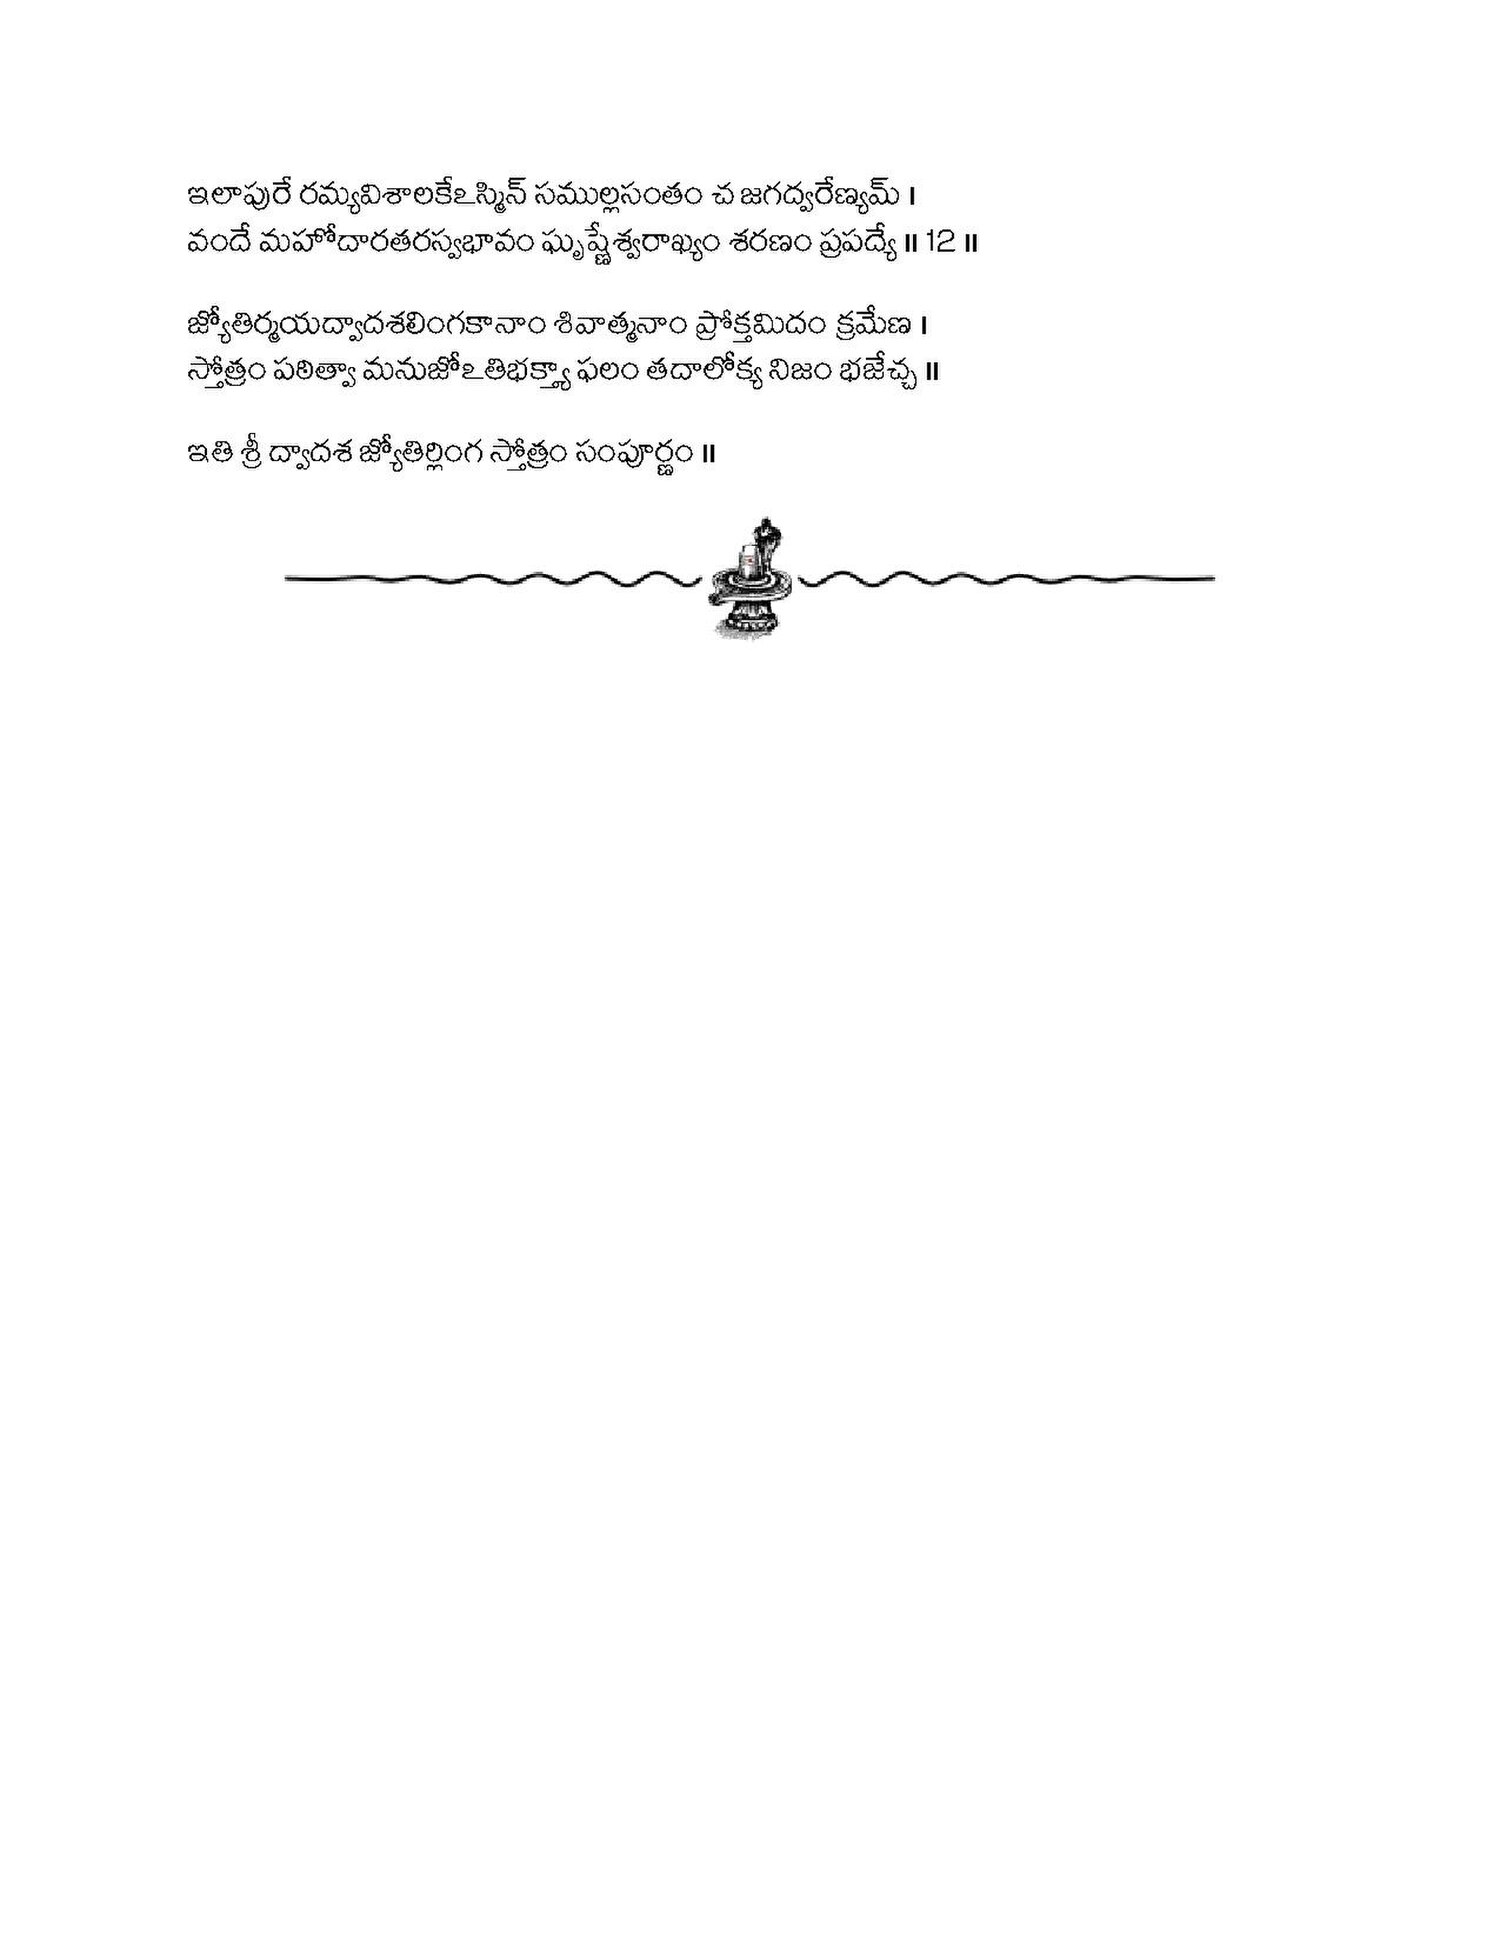ఇలాపురే రమ్యవిశాలకే౽స్మిన్ సముల్లసంతం చ జగద్వరేణ్యమ్ |
వందే మహోదారతరస్వభావం ఘృష్ణేశ్వరాఖ్యం శరణం ప్రపద్యే || 12 ||

జ్యోతిర్మయద్వాదశలింగకానాం శివాత్మనాం ప్రోక్తమిదం క్రమేణ |
స్తోత్రం పఠిత్వా మనుజో౽తిభక్త్యా ఫలం తదాలోక్య నిజం భజేచ్చ ||

ఇతి శ్రీ ద్వాదశ జ్యోతిర్లింగ స్తోత్రం సంపూర్ణం ||